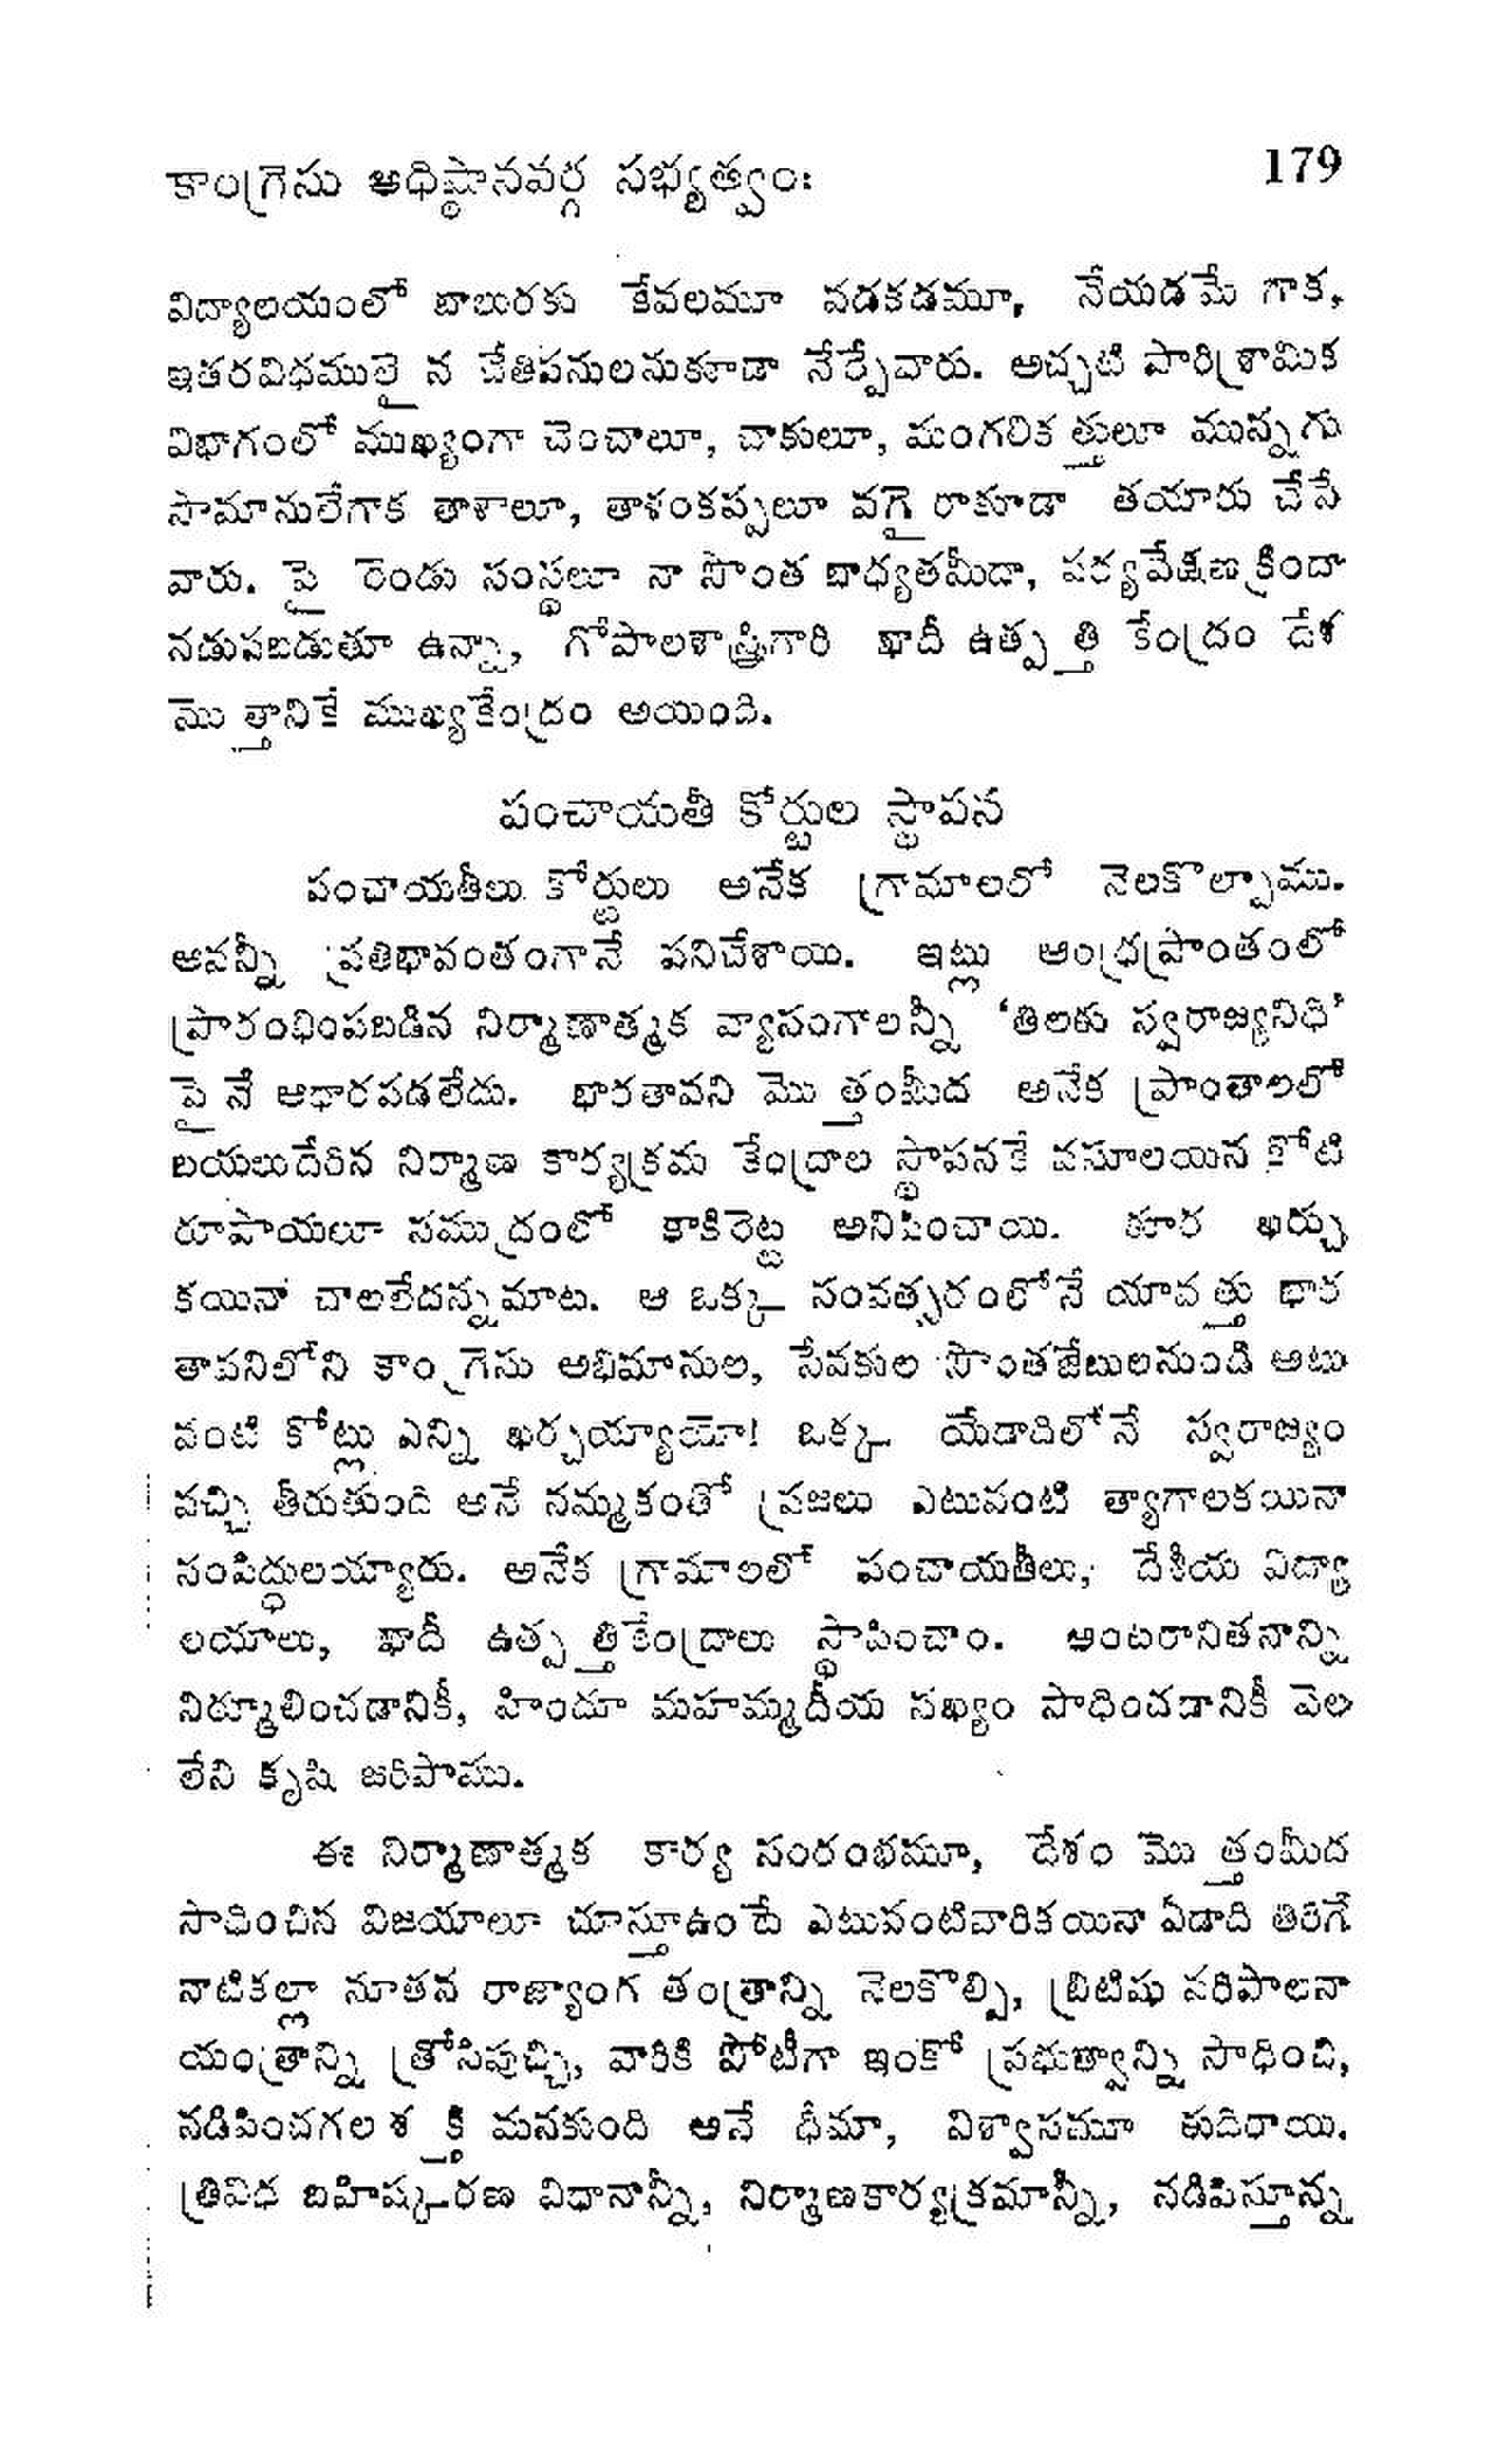విద్యాలయంలో బాలురకు కేవలమూ వడకడమూ, నేయడమే గాక, ఇతరవిధములైన చేతిపనులనుకూడా నేర్పేవారు. అచ్చటి పారిశ్రామిక విభాగంలో ముఖ్యంగా చెంచాలూ, చాకులూ, మంగలికత్తులూ మున్నగు సామానులేగాక తాళాలూ, తాళంకప్పలూ వగైరాకూడా తయారు చేసేవారు. పై రెండు సంస్థలూ నా సొంత బాద్యతమీదా, పర్యవేక్షణక్రిందా నడపబడుతూ ఉన్నా, గోపాలశాస్త్రిగారి ఖాదీ ఉత్పత్తి కేంద్రం దేశ మొత్తానికి ముఖ్యకేంద్రం అయింది.

పంచాయతీలు కోర్టులు అనేక గ్రామాలలో నెలకొల్పాము. అవన్నీ ప్రతిభావంతంగానే పనిచేశాయి. ఇట్లు ఆంధ్రప్రాంతంలో ప్రారంభింపబడిన నిర్మాణాత్మక వ్యాపంగాలన్నీ 'తిలకు స్వరాజ్యనిధి' పైనే ఆధారపడలేదు. భారతావని మొత్తంమీద అనేకప్రాంతాలలో బయలుదేరిన నిర్మాణ కార్యక్రమ కేంద్రాల స్థాపనకే వసూలయిన కోటి రూపాయలూ సముద్రంలో కాకిరెట్ట అనిపించాయి. కూర ఖర్చు కయినా చాలచేదన్నమాట. ఆ ఒక్క సంవత్సరంలోనే యావత్తు భారతావనిలోని కాంగ్రెసు అభిమానుల, సేవకుల సొంతజేబులనుండి అటువంటి కోట్లు ఎన్ని ఖర్చయ్యాయో! ఒక్క యేడాదిలోనే స్వరాజ్యం వచ్చి తీరుతుంది అనే నమ్మకంతో ప్రజలు ఎటువంటి త్యాగాలకయినా సంసిద్ధులయ్యారు. అనేక గ్రామాలలో పంచాయతీలు, దేశీయ విద్యాలయాలు, ఖాదీ ఉత్పత్తికేంద్రాలు స్థాపించాం. అంటరానితనాన్ని నిర్మూలించడానికీ, హిందూ మహమ్మదీయ సఖ్యం సాధించడానికీ వెలలేని కృషి జరిపాము.

ఈ నిర్మాణాత్మక కార్య సంరంభమూ, దేశం మొత్తంమీద సాదించిన విజయాలూ చూస్తుంటే ఎటువంటివారికయినా ఏడాది తిరిగే నాటికల్లా నూతన రాజ్యాంగ తంత్రాన్ని నెలకొల్పి, బ్రిటీషు పరపాలనా యంత్రాన్ని త్రోసిపుచ్చి, వారికి పోటీగా ఇంకో ప్రభుత్వాన్ని సాధించి, నడిపించగల శక్తి మనకుంది అనే ధీమా, విశ్వాసమూ కుదిరాయి. త్రివిధ బహిష్కరణ విధానాన్నీ, నిర్మాణ కార్యక్రమాన్నీ, నడిపిస్తూన్న